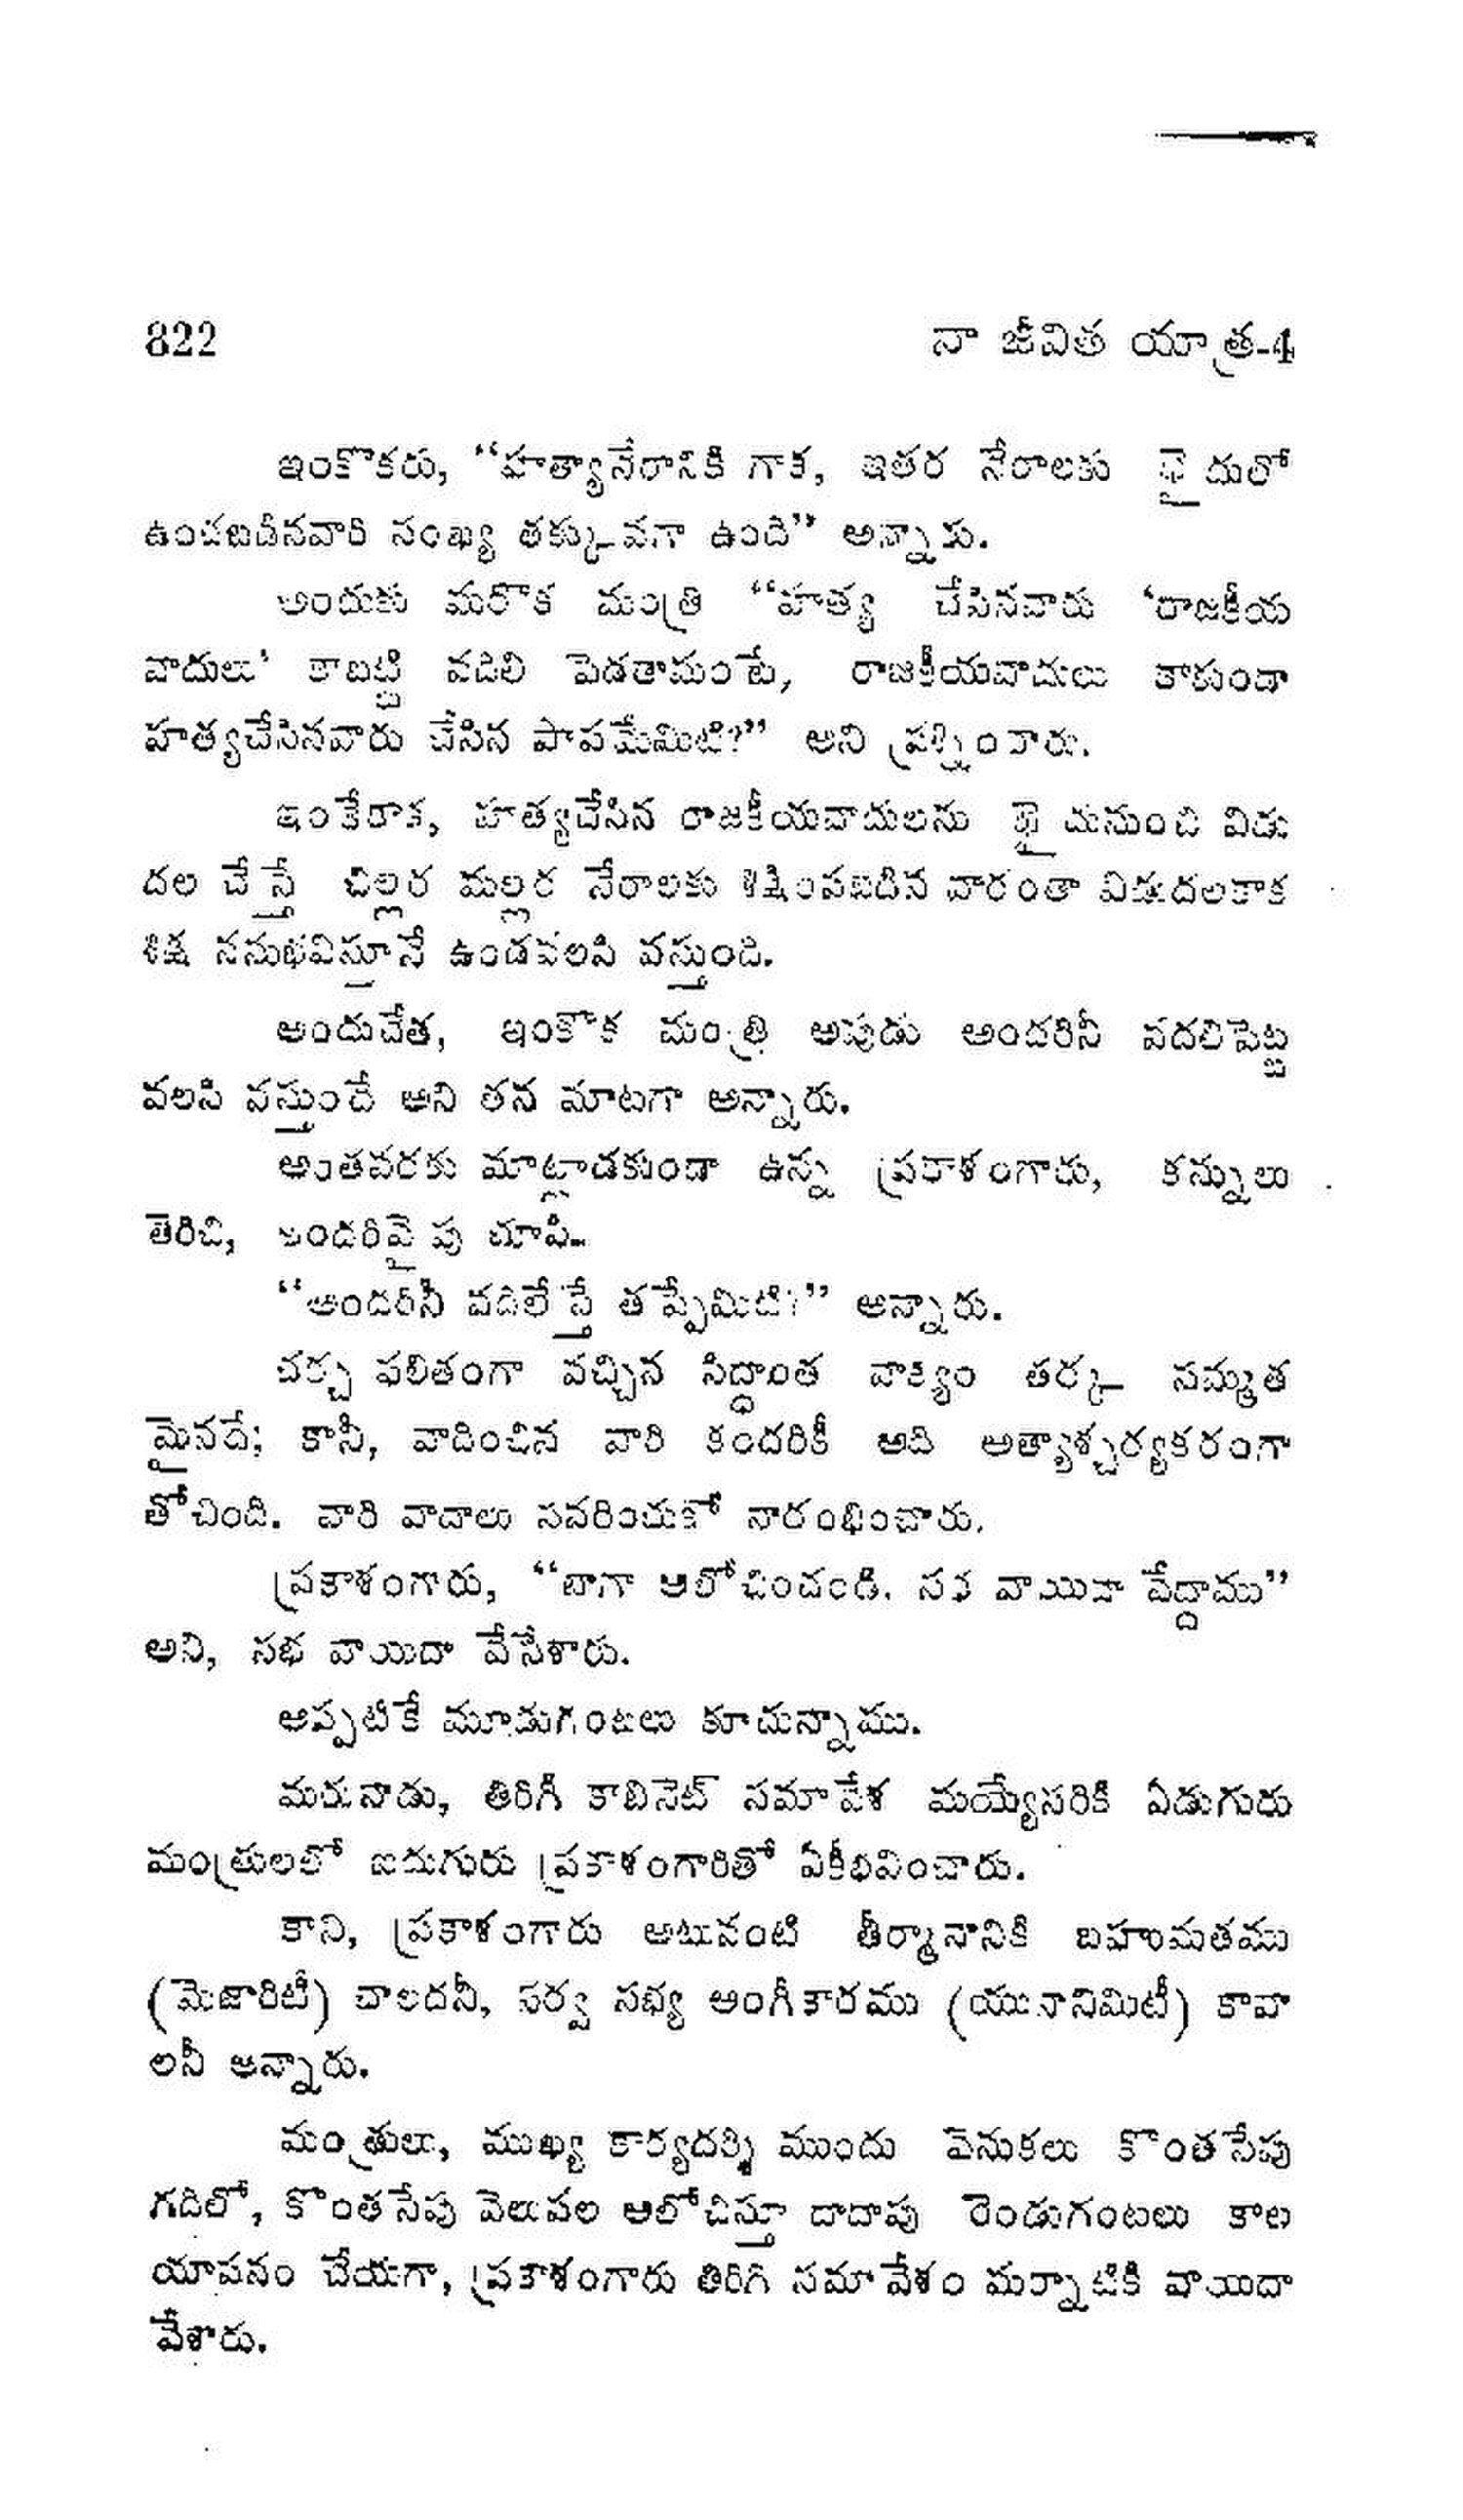ఇంకొకరు, "హత్యానేరానికి గాక, ఇతర నేరాలకు ఖైదులో ఉంచబడినవారి సంఖ్య తక్కువగా ఉంది" అన్నారు.

అందుకు మరొక మంత్రి "హత్య చేసినవారు 'రాజకీయ వాదులు' కాబట్టి వదిలి పెడతామంటే, రాజకీయవాదులు కాకుండా హత్యచేసినవారు చేసిన పాపమేమిటి?" అని ప్రశ్నించారు.

ఇంతేకాక, హత్యచేసిన రాజకీయవాదులను ఖైదునుంచి విడుదల చేస్తే చిల్లర మల్లర నేరాలకు శిక్షింపబడిన వారంతా విడుదలకాక శిక్ష ననుభవిస్తూనే ఉండవలసి వస్తుంది.

అందుచేత, ఇంకొక మంత్రి అపుడు అందరినీ వదలిపెట్ట వలసి వస్తుందే అని తన మాటగా అన్నారు.

అంతవరకు మాట్లాడకుండా ఉన్న ప్రకాశంగారు, కన్నులు తెరిచి, అందరివైపు చూసి-

"అందరినీ వదిలేస్తే తప్పేమిటి?" అన్నారు.

చర్చ ఫలితంగా వచ్చిన సిద్ధాంత వాక్యం తర్క సమ్మతమైనదే; కానీ, వాదించిన వారి కందరికీ అది అత్యాశ్చర్యకరంగా తోచింది. వారి వాదాలు సవరించుకో నారంభించారు.

ప్రకాశంగారు, "బాగా ఆలోచించండి, సభ వాయిదా వేద్దాము" అని, సభ వాయిదా వేసేశారు.

అప్పటికే మూడుగంటలు కూచున్నాము.

మరునాడు, తిరిగీ కాబినెట్ సమావేశ మయ్యేసరికి ఏడుగురు మంత్రులలో ఐదుగురు ప్రకాశంగారితో ఏకీభవించారు.

కాని, ప్రకాశంగారు అటువంటి తీర్మానానికి బహుమతము (మెజారిటీ) చాలదనీ, సర్వ సభ్య అంగీకారము (యునానిమిటీ) కావాలనీ అన్నారు.

మంత్రులు, ముఖ్య కార్యదర్శి ముందు వెనుకలు కొంతసేపు గదిలో, కొంతసేపు వెలుపల ఆలోచిస్తూ దాదాపు రెండుగంటలు కాలయాపనం చేయగా, ప్రకాశంగారు తిరిగి సమావేశం మర్నాటికి వాయిదా వేశారు.